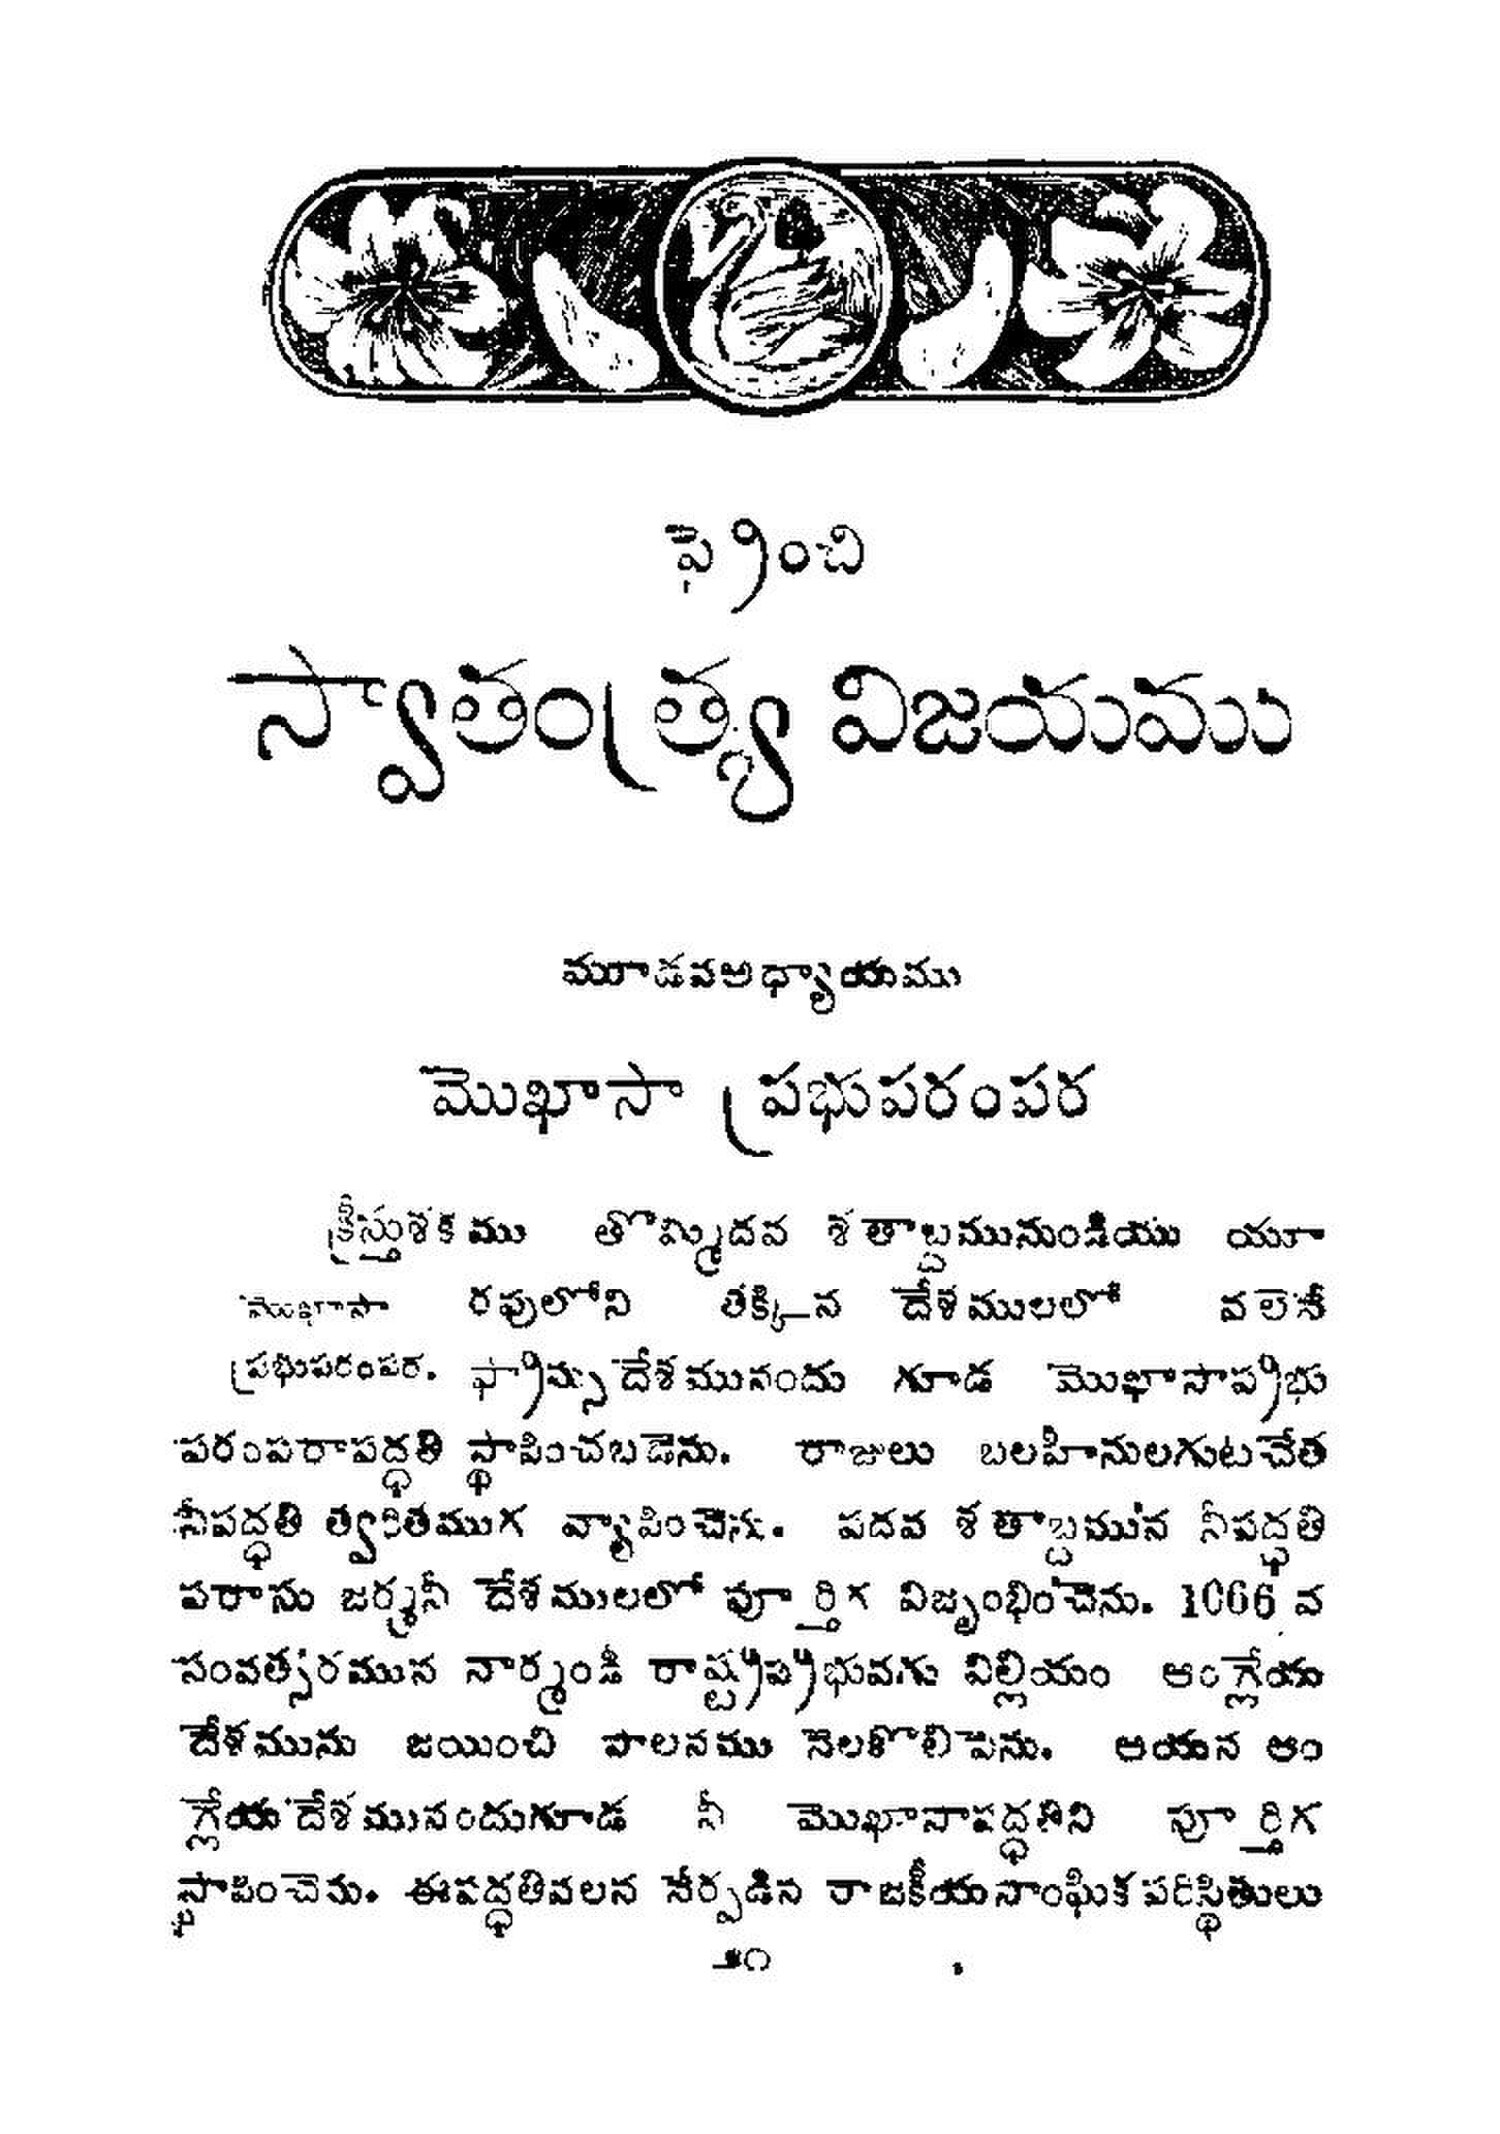క్రీస్తుశకము తొమ్మిదవ శతాబ్దమునుండియు యూరోపు
లోని తక్కిన దేశములలో వలెనే
ఫాస్సు 'దేశమునందు గూడ 'మొఖాసాప్రభు
'పరంపరాపద్దతి స్థాపించబడెను. రాజులు బలహీనులగుటచేత
నీపద్ధతి త్వరితముగ వ్యాపించెను. పదవ శతాబ్దమున నీ పద్ధతి
పరాసు జర్మనీ దేశములలో పూర్తిగా విజృంభించెను. 1066 వ
సంవత్సరమున నార్మండీ రాష్ట్ర ప్రభువగు విల్లియం ఆంగ్లేయు
దేశమును జయించి పాలనము నెలకొలిపెను.
ఆయన ఆంగ్లేయ దేశమునందుగూడ నీ మొఖానాపద్ధతిని పూర్తిగ
స్థాపించెను. ఈ పద్ధతివలన నేర్పడిన రాజకీయ నాంఘిక పరిస్థితులు